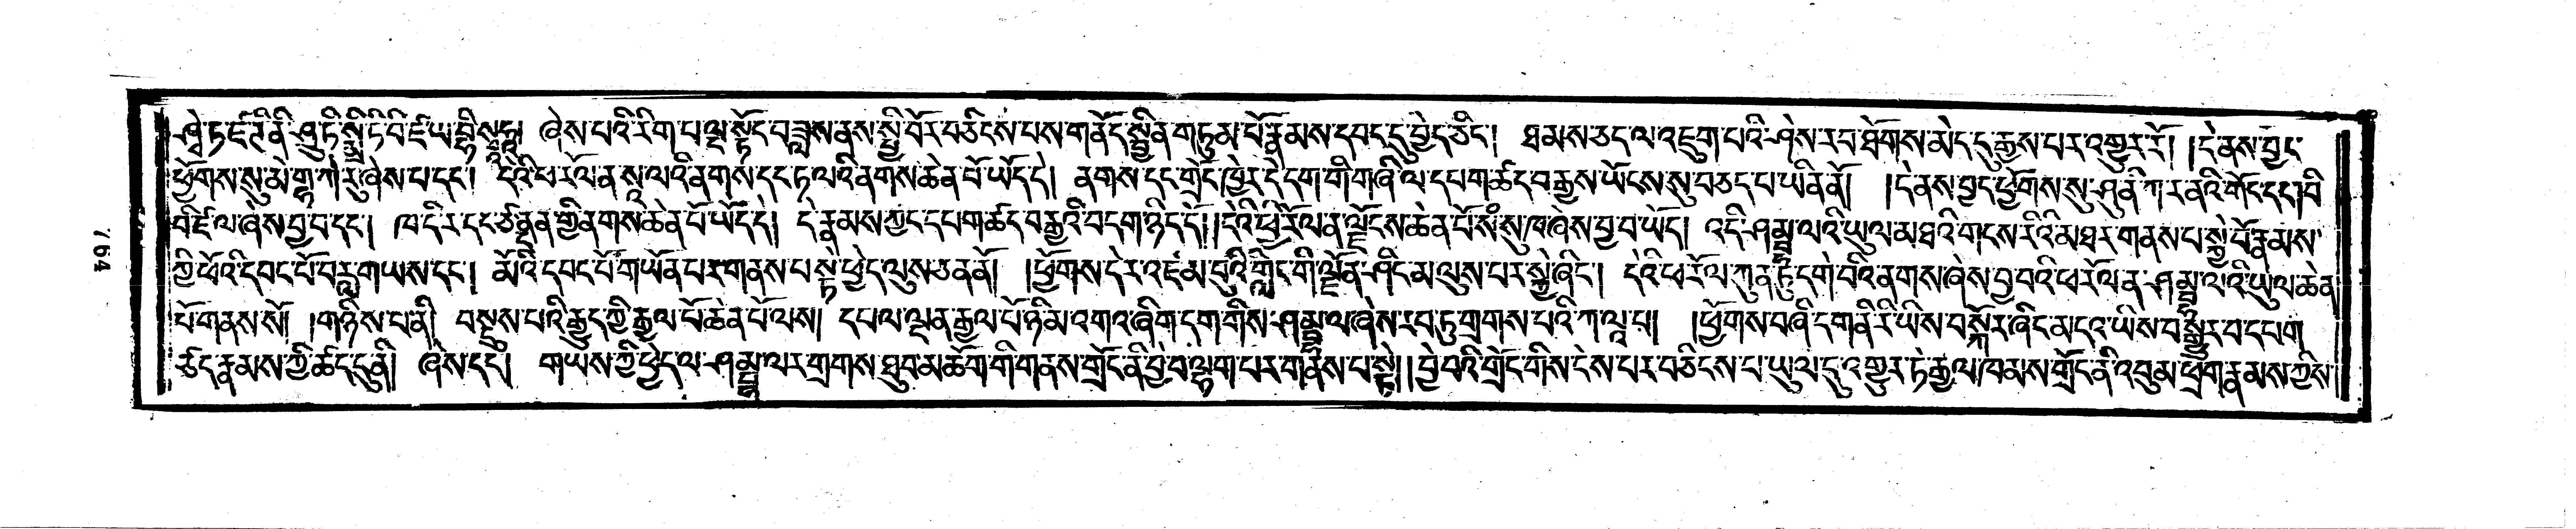ཤྭེ་ཏ་ཛ་ཊི་ནི་ཤྲུ་ཏི་སྨྲི་ཏི་བི་ཛ་ཡ་བྷི་སྭཱཧཱ། ཞེས་པའི་རིག་པ་ལྔ་སྟོང་བཟླས་ནས་སྤྱི་བོར་བཅིངས་པས་གནོད་སྦྱིན་གཏུམ་པོ་རྣམས་དབང་དུ་བྱེད་ཅིང་། ཐམས་ཅད་ལ་འཇུག་པའི་ཤེས་རབ་ཐོགས་མེད་དུ་རྒྱས་པར་འགྱུར་རོ། །དེ་ནས་བྱང་
ཕྱོགས་སུ་མེ་གྷ་ཀེ་རུ་ཞེས་པ་དང་། དེའི་ཕ་རོལ་ན་སཱ་ལའི་ནགས་དང་ཏ་ལའི་ནགས་ཆེན་པོ་ཡོད་དེ། ནགས་དང་གྲོང་ཁྱེར་དེ་དག་གི་གཞི་ལ་དཔག་ཚད་བརྒྱས་ཡོངས་སུ་བཅད་པ་ཡིན་ནོ། །དེ་ནས་བྱད་ཕྱོགས་སུ་ཤུ་ནི་ཀ་ར་ནའི་གོང་དང་། བི་
བི་ཛ་ལ་ཞེས་བྱ་བ་དང་། ཁ་དིར་དང་ཙནྡན་གྱི་ནགས་ཆེན་པོ་ཡོད་དེ། དེ་རྣམས་ཀྱང་དཔག་ཚད་བརྒྱའི་བདག་ཉིད་དོ། །དེའི་ཕྱི་རོལ་ན་ལྗོངས་ཆེན་པོ་སཾ་སུ་ཁ་ཞེས་བྱ་བ་ཡོད། འདི་ཤམྦྷ་ལའི་ཡུལ་མཐའི་གངས་རིའི་མཐར་གནས་པ་སྐྱེ་བོ་རྣམས་
ཀྱི་ཕོའི་དབང་པོ་བརླ་གཡས་དང་། མོའི་དབང་པོ་གཡོན་པར་གནས་པ་སྟེ་ཕྱེད་ལུས་ཅན་ནོ། །ཕྱོགས་དེར་འཛམ་བུའི་གླིང་གི་ལྗོན་ཤིང་མ་ལུས་པར་སྐྱེ་ཞིང་། དེའི་ཕ་རོལ་ཀུན་ཏུ་དགེ་བའི་ནགས་ཞེས་བྱ་བའི་ཕ་རོལ་ན་ཤམྦྷ་ལའི་ཡུལ་ཆེན་
པོ་གནས་སོ། །གཉིས་པ་ནི། བསྡུས་པའི་རྒྱུད་ཀྱི་རྒྱལ་པོ་ཆེན་པོ་ལས། དཔལ་ལྡན་རྒྱལ་པོ་ཉི་མ་འགའ་ཞིག་དག་གིས་ཤམྦྷ་ལ་ཞེས་རབ་ཏུ་གྲགས་པའི་ཀ་ལཱ་པ། །ཕྱོགས་བཞི་དག་ནི་རི་ཡིས་བསྐོར་ཞིང་མངའ་ཡིས་བསྒྱུར་བ་དཔག་
ཙད་རྣམས་ཀྱི་ཚད་དུ་ནི། ཞེས་དང་། གཡས་ཀྱི་ཕྱེད་ལ་ཤམྦྷ་ལར་གྲགས་ཐུབ་མཆོག་གི་གནས་གྲོང་ནི་བྱེ་བ་ལྷག་པར་གནས་པ་སྟེ། །བྱེ་བའི་གྲོང་གིས་ངེས་པར་བཅིངས་པ་ཡུལ་དུ་འགྱུར་ཏེ་རྒྱལ་ཁམས་གྲོང་ནི་འབུམ་ཕྲག་རྣམས་ཀྱིས་